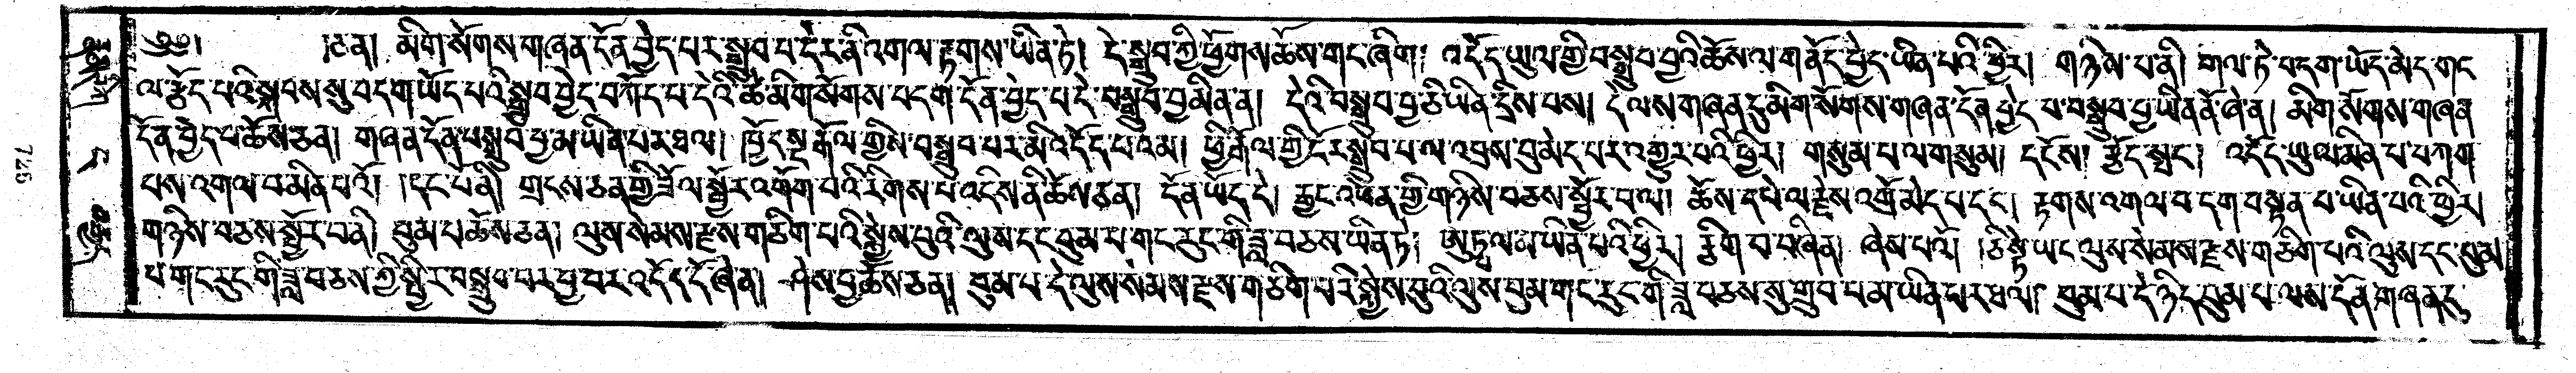༄༅། །ཅན། མིག་སོགས་གཞན་དོན་བྱེད་པར་སྒྲུབ་པ་དེར་ནི་འགལ་རྟགས་ཡིན་ཏེ། དེ་སྒྲུབ་ཀྱི་ཕྱོགས་ཆོས་གང་ཞིག། འདོད་ཡུལ་གྱི་བསྒྲུབ་བྱའི་ཆོས་ལ་གནོད་བྱེད་ཡིན་པའི་ཕྱིར། གཉིས་པ་ནི། གལ་ཏེ་བདག་ཡོད་མེད་གང་
ལ་རྩོད་པའི་སྐབས་སུ་བདག་ཡོད་པའི་སྒྲུབ་བྱེད་བཀོད་པ་དེའི་ཚེ་མིག་སོགས་བདག་དོན་བྱེད་པ་དེ་བསྒྲུབ་བྱ་མིན་ན། དེའི་བསྒྲུབ་བྱ་ཅི་ཡིན་དྲིས་པས། དེ་ལས་གཞན་དུ་མིག་སོགས་གཞན་དོན་བྱེད་པ་བསྒྲུབ་བྱ་ཡིན་ནོ་ཞེ་ན། མིག་སོགས་གཞན་
དོན་བྱེད་པ་ཆོས་ཅན། གཞན་དོན་བསྒྲུབ་བྱ་མ་ཡིན་པར་ཐལ། ཁྱོད་སྔ་རྒོལ་གྱིས་བསྒྲུབ་པར་མི་འདོད་པའམ། ཕྱི་རྒོལ་གྱི་ངོར་སྒྲུབ་པ་ལ་འབྲས་བུ་མེད་པར་འགྱུར་བའི་ཕྱིར། གསུམ་པ་ལ་གསུམ། དངོས། རྩོད་སྤང་། འདོད་ཡུལ་མིན་པ་བཀག་
པས་འགལ་བ་མིན་པའོ། །དང་པོ་ནི། གྲངས་ཅན་གྱི་ཟོལ་སྦྱོར་འགོག་བའི་རིགས་པ་འདིས་ནི་ཆོས་ཅན། དོན་ཡོད་དེ། རྒྱང་འཕན་གྱི་གཉིས་བཅས་སྦྱོར་བ་ལ། ཆོས་དཔེ་ལ་རྗེས་འགྲོ་མེད་པ་དང་། རྟགས་འགལ་བ་དག་བསྟན་པ་ཡིན་པའི་ཕྱིར།
གཉིས་བཅས་སྦྱོར་བ་ནི། བུམ་པ་ཆོས་ཅན། ལུས་སེམས་རྫས་གཅིག་པའི་སྐྱེས་བུའི་ལུས་དང་བུམ་པ་གང་རུང་གི་ཟླ་བཅས་ཡིན་ཏེ། ཨུཏྤ་ལ་མ་ཡིན་པའི་ཕྱིར། རྩིག་བ་བཞིན། ཞེས་པའོ། །ཅི་སྟེ་ཡང་ལུས་སེམས་རྫས་གཅིག་པའི་ལུས་དང་བུམ་
པ་གང་རུང་གི་ཟླ་བཅས་ཀྱི་སྦྱིར་བསྒྲུབ་པར་བྱ་བར་འདོད་དོ་ཞེ་ན། ཤེས་བྱ་ཆོས་ཅན། བུམ་པ་དེ་ལུས་སེམས་རྫས་གཅིག་པའི་སྐྱེས་བུའི་ལུས་བུམ་གང་རུང་གི་ཟླ་བཅས་སུ་གྲུབ་པ་མ་ཡིན་པར་ཐལ། བུམ་པ་དེ་ཉིད་བུམ་པ་ལས་དོན་གཞན་དུ་